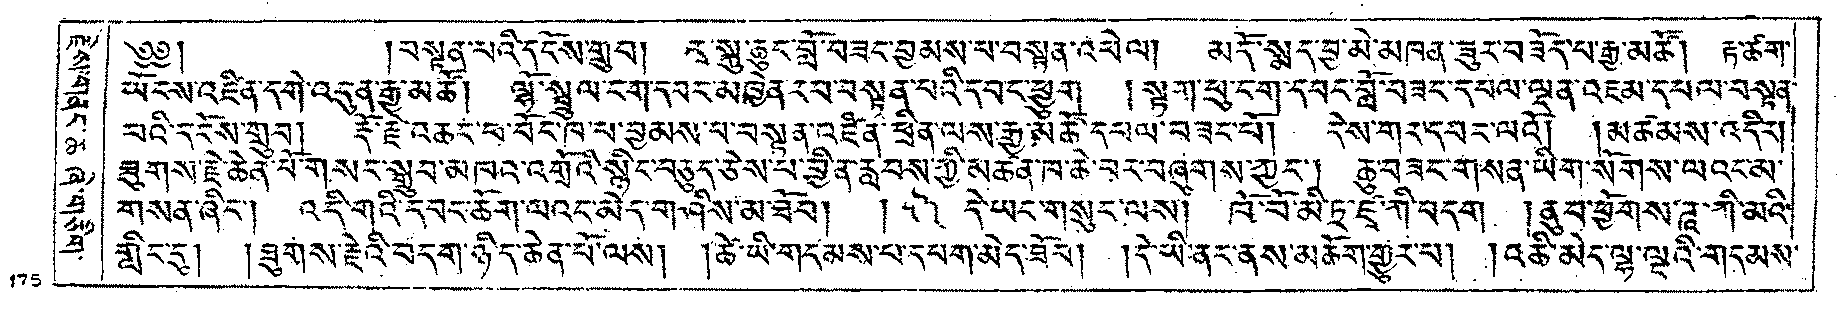༄༅། །བསྟན་པའི་དངོས་གྲུབ། རྭ་སྐུ་ཆུར་བློ་བཟང་བྱམས་པ་བསྟན་འཕེལ། མདོ་སྨད་བྱ་མེ་མཁན་ཟུར་བཟོད་པ་རྒྱ་མཚོ། རྟ་ཚག་
ཡོངས་འཛིན་དགེ་འདུན་རྒྱ་མཚོ། ལྷོ་སྤྲུལ་ངག་དབང་མཁྱེན་རབ་བསྟན་པའི་དབང་ཕྱུག །སྟག་པུ་ངག་དབང་བློ་བཟང་དཔལ་ལྡན་འཇམ་དཔལ་བསྟན་
པའི་དངོས་གྲུབ། རྡོ་རྗེ་འཆང་ཕ་བོང་ཁ་པ་བྱམས་པ་བསྟན་འཛིན་ཕྲིན་ལས་རྒྱ་མཚོ་དཔལ་བཟང་པོ། དེས་གར་དབང་ལའོ། །མཚམས་འདིར།
ཐུགས་རྗེ་ཆེན་པོ་གསང་སྒྲུབ་མཁའ་འགྲོའི་སྙིང་བཅུད་ཅེས་པ་བྱིན་རླབས་ཀྱི་མཚན་ཁ་ཆེ་བར་བཞུགས་ཀྱང་། ཆུ་བཟང་གསན་ཡིག་སོགས་ལའང་མ་
གསན་ཞིང་། འདི་གའི་དབང་ཆོག་ལའང་མེད་གཤིས་མ་ཐོབ། །༥?་དེ་ཡང་གསུང་ལས། ཁོ་བོ་མི་ཏྲ་ཛྭ་ཀི་བདག །ནུབ་ཕྱོགས་ཌཱ་ཀི་མའི་
གླིང་དུ། །ཐུགས་རྗེའི་བདག་ཉིད་ཆེན་པོ་ལས། །ཚེ་ཡི་གདམས་པ་དཔག་མེད་ཐོབ། །དེ་ཡི་ནང་ནས་མཆོག་གྱུར་པ། །འཆི་མེད་ལྷ་ལྔའི་གདམས་